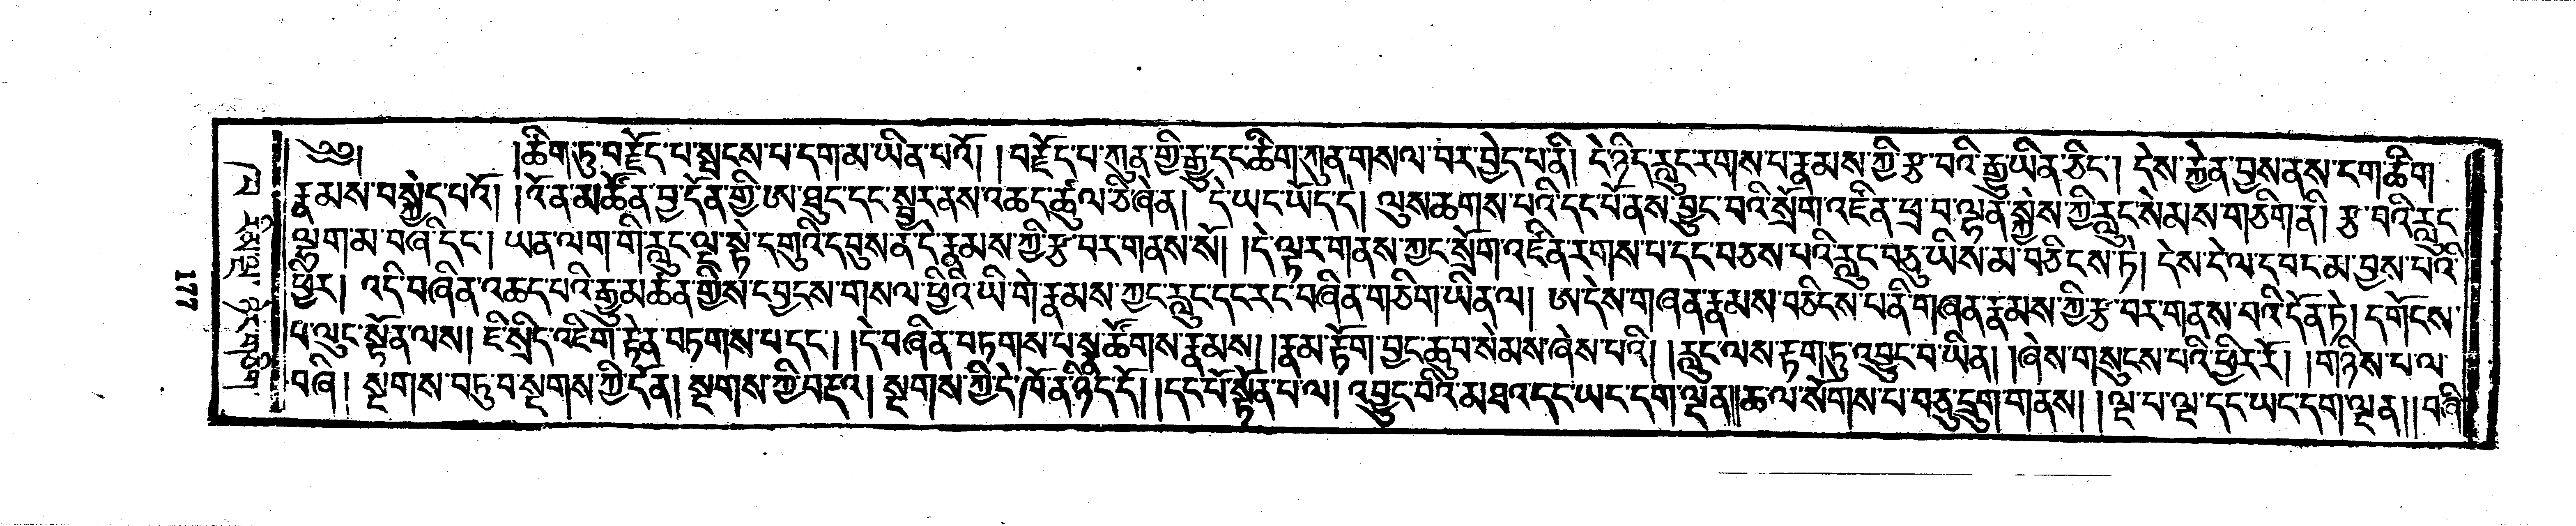༄༅། །ཚིག་ཏུ་བརྗོད་པ་སྤངས་པ་དག་མ་ཡིན་པའོ། །བརྗོད་པ་ཀུན་གྱི་རྒྱུ་དང་ཚིག་ཀུན་གསལ་བར་བྱེད་པ་ནི། དེ་ཉིད་རླུང་རགས་པ་རྣམས་ཀྱི་རྩ་བའི་རྒྱུ་ཡིན་ཅིང་། དེས་རྐྱེན་བྱས་ནས་ངག་ཚིག་
རྣམས་བསྐྱེད་པའོ། །འོ་ན་མཚོན་བྱ་དོན་གྱི་ཨ་ཐུང་དང་སྦྱར་ནས་འཆད་ཚུལ་ཅི་ཞེ་ན། དེ་ཡང་ཡོད་དེ། ལུས་ཆགས་པའི་དང་པོ་ནས་བྱུང་བའི་སྲོག་འཛིན་ཕྲ་བ་ལྷན་སྐྱེས་ཀྱི་རླུང་སེམས་གཅིག་ནི། རྩ་བའི་རླུང་
ལྷག་མ་བཞི་དང་། ཡན་ལག་གི་རླུང་ལྔ་སྟེ་དགུའི་དབུས་ན་དེ་རྣམས་ཀྱི་རྩ་བར་གནས་སོ། །དེ་ལྟར་གནས་ཀྱང་སྲོག་འཛིན་རགས་པ་དང་བཅས་པའི་རླུང་བཅུ་ཡིས་མ་བཅིངས་ཏེ། དེས་དེ་ལ་དབང་མ་བྱས་པའི་
ཕྱིར། འདི་བཞིན་འཆད་པའི་རྒྱུ་མཚན་གྱིས་དབྱངས་གསལ་ཕྱིའི་ཡི་གེ་རྣམས་ཀྱང་རླུང་དང་རང་བཞིན་གཅིག་ཡིན་ལ། ཨ་དེས་གཞན་རྣམས་བཅིངས་པ་ནི་གཞན་རྣམས་ཀྱི་རྩ་བར་གནས་པའི་དོན་ཏེ། དགོངས་
པ་ལུང་སྟོན་ལས། ཇི་སྲིད་འཇིག་རྟེན་བཏགས་པ་དང་། །དེ་བཞིན་བཏགས་པ་སྣ་ཚོགས་རྣམས། །རྣམ་རྟོག་བྱང་ཆུབ་སེམས་ཞེས་པའི། །རླུང་ལས་རྟག་ཏུ་འབྱུང་བ་ཡིན། །ཞེས་གསུངས་པའི་ཕྱིར་རོ། །གཉིས་པ་ལ་
བཞི། སྔགས་བཏུ་བ་སྔགས་ཀྱི་དོན། སྔགས་ཀྱི་བརྡའ། སྔགས་ཀྱི་དེ་ཁོ་ན་ཉིད་དོ། །དང་པོ་སྟོན་པ་ལ། འབྱུང་བའི་མཐའ་དང་ཡང་དག་ལྡན། །ཆ་ལ་སོགས་པ་བཅུ་དྲུག་གནས། །ལྔ་པ་ལྔ་དང་ཡང་དག་ལྡན། །བཞི་